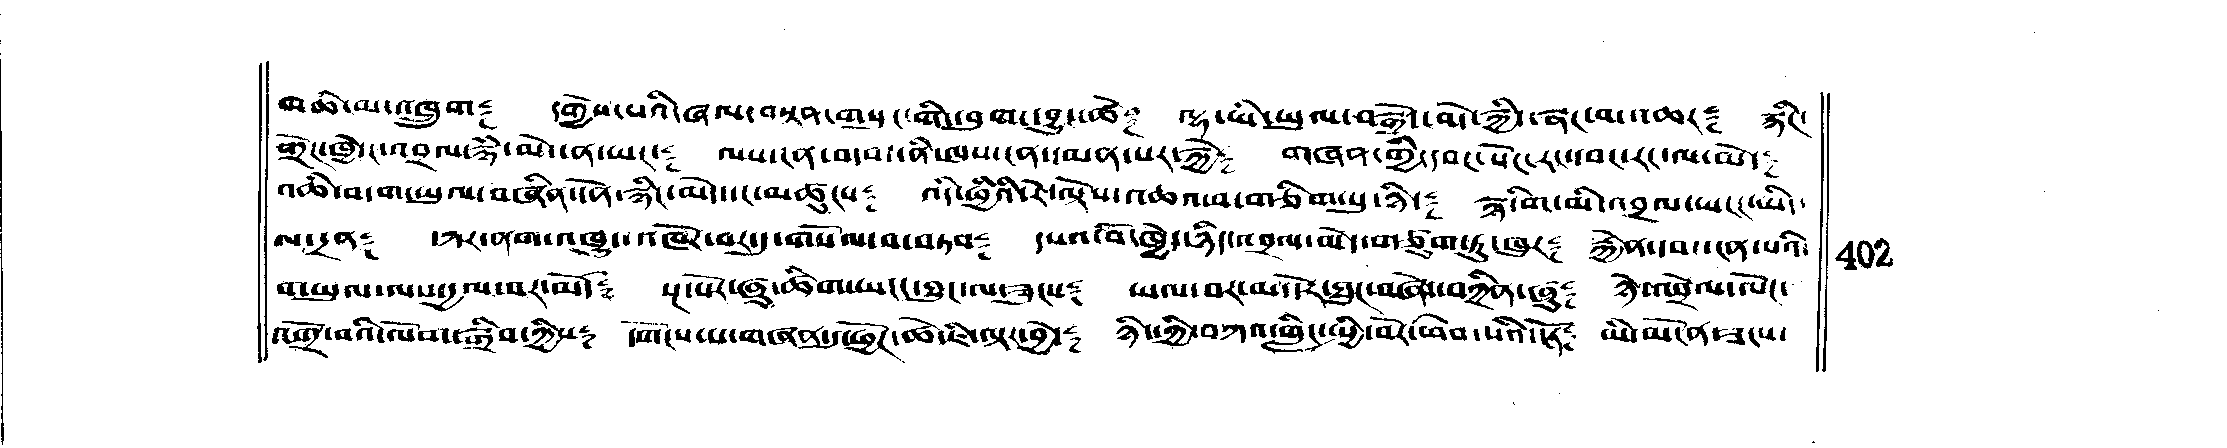འཆི་མ་འཁྲུག །དགྱེས་པའི་ཞལ་བསྟན་གསུང་གི་དབུགས་དབྱུང་ཚེ། །ལྷ་ཡི་ཡུལ་བགྲོད་བདེ་སྐྱིད་སྣང་བ་འཆར། །སྙིང་
གྲོགས་ཁྱེད་དང་འབྲལ་སྙམ་མེད་ན་ཡང་། །ལས་ངན་བདག་ནི་ལུས་ངན་དམན་པར་སྐྱེ། །གཞན་གྱི་དབང་སོང་རང་དབང་རང་ལ་མེད། །
འཆི་བདག་ཡུལ་བཞིན་དོན་སྙིང་མེད་དང་མཚུངས། །འདི་ཕྱིའི་རེ་ལྟོས་འཆའ་བ་གཅིག་པུ་ཉིད། །སྐད་ཅིག་མི་འབྲལ་ཡང་ཡང་ཡིད་
ལ་དྲན། །དཀར་ནག་འཁྱུད་འཁོར་བར་དུ་གསོལ་བ་བཏབ། །དཔའ་བོ་ཁྱེད་ཉིད་འབྲལ་མེད་གཙུག་ཏུ་ཁུར། །རྐྱེན་དབང་ངན་པའི་
གཡུལ་ལས་རྒྱལ་བར་མཛོད། །སྔ་སོར་ཞུས་ཚིག་ཡང་ཡང་ཐུགས་ལ་ཟུངས། །ཡལ་བར་མ་དོར་ཐུགས་བཞེད་བཀའ་དྲིན་ཞུ། །ཉེ་འབྲེལ་ལ་སོགས་
འགྲོ་བའི་ལོག་སྒྲིབ་ཀྱིས། །དགོངས་པ་གཞན་དུ་ཕྱོགས་ཚེ་ཇི་ལྟར་བྱེད། །ཉིད་ཀྱི་བཀའ་གླེང་སྤྱི་བོར་ཕེབས་པའི་ངོར། །མི་མངོན་ཟངས་